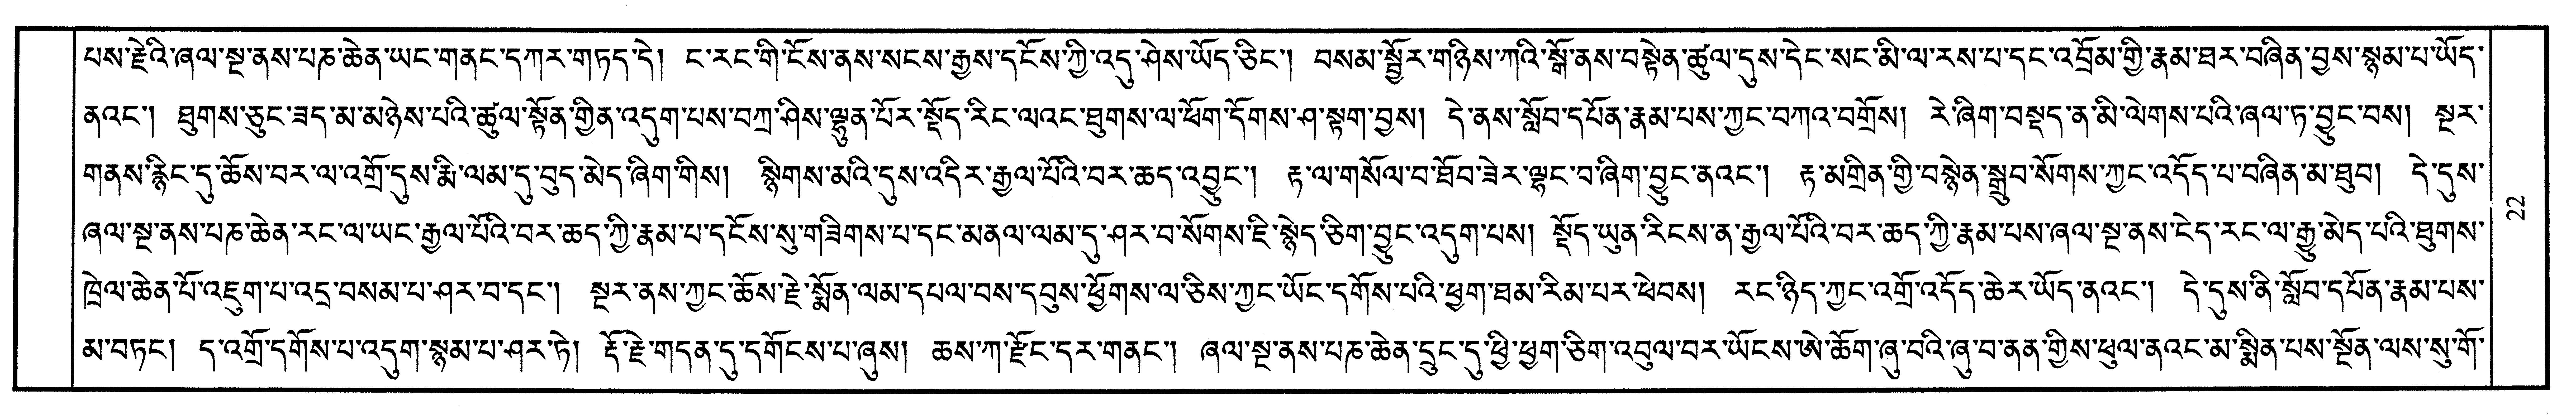པས་རྗེའི་ཞལ་སྔ་ནས་པཎ་ཆེན་ཡང་གནང་དཀར་གཏད་དེ། ང་རང་གི་ངོས་ནས་སངས་རྒྱས་དངོས་ཀྱི་འདུ་ཤེས་ཡོད་ཅིང་། བསམ་སྦྱོར་གཉིས་ཀའི་སྒོ་ནས་བསྟེན་ཚུལ་དུས་དེང་སང་མི་ལ་རས་པ་དང་འབྲོམ་གྱི་རྣམ་ཐར་བཞིན་བྱས་སྙམ་པ་ཡོད་
ནའང་། ཐུགས་ཅུང་ཟད་མ་མཉེས་པའི་ཚུལ་སྟོན་གྱིན་འདུག་པས་བཀྲ་ཤིས་ལྷུན་པོར་སྡོད་རིང་ལའང་ཐུགས་ལ་ཕོག་དོགས་ཤ་སྟག་བྱས། དེ་ནས་སློབ་དཔོན་རྣམ་པས་ཀྱང་བཀའ་བགྲོས། རེ་ཞིག་བསྡད་ན་མི་ལེགས་པའི་ཞལ་ཏ་བྱུང་བས། སྔར་
གནས་རྙིང་དུ་ཆོས་བར་ལ་འགྲོ་དུས་རྨི་ལམ་དུ་བུད་མེད་ཞིག་གིས། སྙིགས་མའི་དུས་འདིར་རྒྱལ་པོའི་བར་ཆད་འབྱུང་། རྟ་ལ་གསོལ་བ་ཐོབ་ཟེར་ལྷང་བ་ཞིག་བྱུང་ནའང་། རྟ་མགྲིན་གྱི་བསྙེན་སྒྲུབ་སོགས་ཀྱང་འདོད་པ་བཞིན་མ་ཐུབ། དེ་དུས་
ཞལ་སྔ་ནས་པཎ་ཆེན་རང་ལ་ཡང་རྒྱལ་པོའི་བར་ཆད་ཀྱི་རྣམ་པ་དངོས་སུ་གཟིགས་པ་དང་མནལ་ལམ་དུ་ཤར་བ་སོགས་ཇི་སྙེད་ཅིག་བྱུང་འདུག་པས། སྡོད་ཡུན་རིངས་ན་རྒྱལ་པོའི་བར་ཆད་ཀྱི་རྣམ་པས་ཞལ་སྔ་ནས་ངེད་རང་ལ་རྒྱུ་མེད་པའི་ཐུགས་
ཁྲེལ་ཆེན་པོ་འཇུག་པ་འདྲ་བསམ་པ་ཤར་བ་དང་། སྔར་ནས་ཀྱང་ཆོས་རྗེ་སྨོན་ལམ་དཔལ་བས་དབུས་ཕྱོགས་ལ་ཅིས་ཀྱང་ཡོང་དགོས་པའི་ཕྱག་ཐམ་རིམ་པར་ཕེབས། རང་ཉིད་ཀྱང་འགྲོ་འདོད་ཆེར་ཡོད་ནའང་། དེ་དུས་ནི་སློབ་དཔོན་རྣམ་པས་
མ་བཏང་། ད་འགྲོ་དགོས་པ་འདུག་སྙམ་པ་ཤར་ཏེ། རྡོ་རྗེ་གདན་དུ་དགོངས་པ་ཞུས། ཆས་ཀ་རྫོང་དར་གནང་། ཞལ་སྔ་ནས་པཎ་ཆེན་དྲུང་དུ་ཕྱི་ཕྱག་ཅིག་འབུལ་བར་ཡོངས་ཨེ་ཆོག་ཞུ་བའི་ཞུ་བ་ནན་གྱིས་ཕུལ་ནའང་མ་སྨིན་པས་སྔོན་ལས་སུ་གོ་